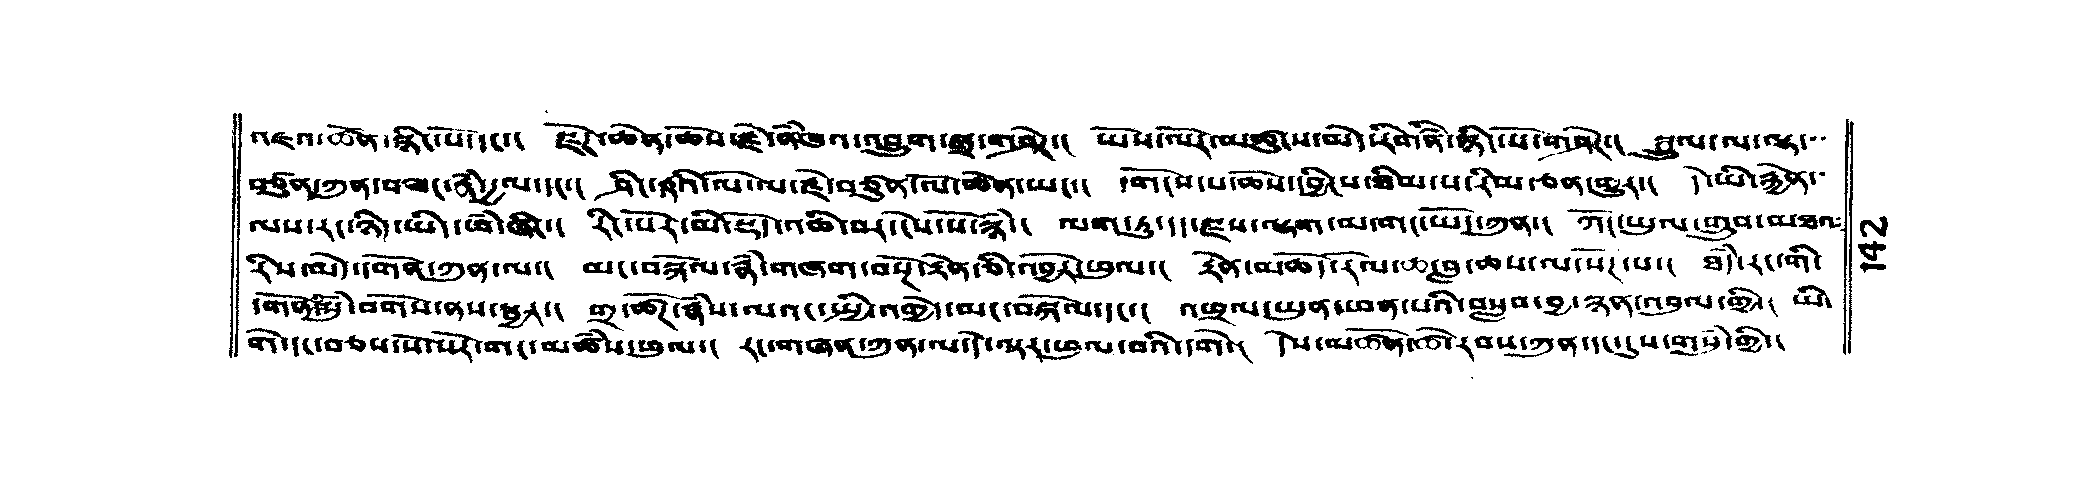འཇའ་ཚོན་སྙིང་པོ་དང་། །རྫོགས་ཆེན་ཆོས་རྗེ་ནམ་མཁའ་འབྲུག་སྒྲ་གཤེགས། །ཡོས་ལོར་མཚུངས་མེད་རིག་འཛིན་སྙིང་པོ་གཤེགས། །སྦྲུལ་ལ་ལྷ་
བཙུན་ཀུན་བཟང་རྣམ་རྒྱལ་དང་། །ཤིང་རྟའི་ལོ་ལ་རྗེ་བཙུན་ལོ་ཆེན་ཡང་། །དགོངས་པ་ཆོས་དབྱིངས་ཐིམ་པ་རིམ་ཅན་གྱུར། །དེ་ཡི་རྐྱེན་
ལས་རང་ཉིད་ཡིད་ཕམ་ཞིང་། །རིང་པོར་མི་སྡོད་འཆི་བར་ངེས་སོ་སྙམ། །ལག་ཏུ་དད་རྫས་ལྷག་མ་གང་ཡོད་ཀུན། །ཀོང་ཡུལ་གྲུབ་མཐའ་
རིས་མེད་དགོན་ཀུན་ལ། །མང་བསྐོལ་རྣམ་གཞག་བསྔོ་རྟེན་ཅི་འབྱོར་ཕུལ། །རྟེན་མཆོད་རོལ་ཆ་བླ་ཆས་ལ་སོགས་པ། །ཐམས་ཅད་རང་གི་
དགོན་གསུམ་བགོས་ནས་སྦྱར། །གྲྭ་ཚོགས་རྣམས་ལའང་སྤྱི་འགྱེད་མང་བསྐོལ་དང་། །འཕྲལ་ཡུན་ཕན་པའི་བསླབ་བྱ་སྙན་འབུལ་གྱི། །ཡི་
གེ་དང་བཅས་སོ་སོར་གང་འཚམས་ཕུལ། །རང་གཞན་ཀུན་ལ་དེ་ལྟར་ཕུལ་བའི་དགེ །དེས་མཚོན་ཚེ་རབས་ཀུན་དང་དུས་གསུམ་གྱི།